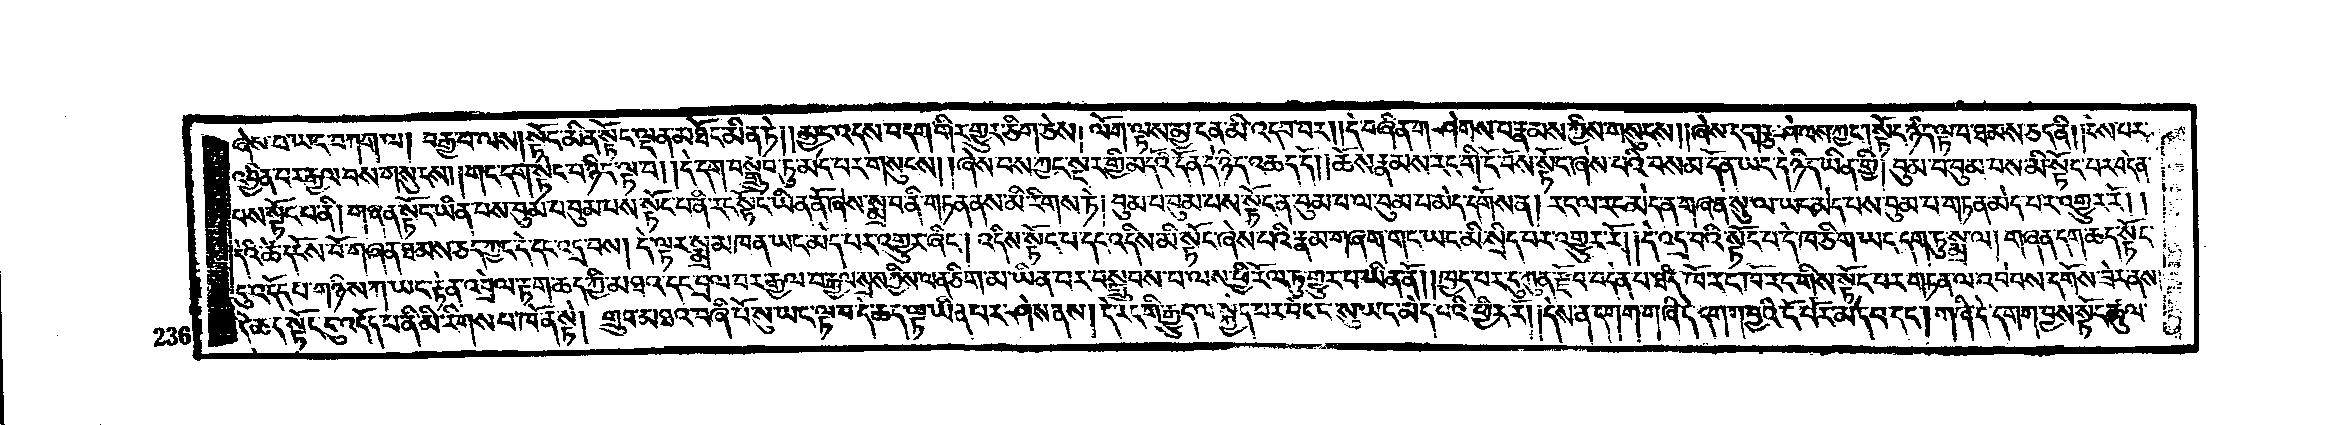ཞེས་པ་ཡང་བཀག་ལ། བརྒྱ་བ་ལས། སྟོང་མིན་སྟོང་ལྡན་མཐོང་མིན་ཏེ། །མྱང་འདས་བདག་གིར་གྱུར་ཅིག་ཅེས། ལོག་ལྟས་མྱ་ངན་མི་འདབ་བར། །དེ་བཞིན་གཤེགས་པ་རྣམས་ཀྱིས་གསུངས། །ཞེས་དང་། རྩ་ཤེ་ལས་ཀྱང་། སྟོང་ཉིད་ལྟ་བ་ཐམས་ཅད་ནི། །ངེས་པར་
འབྱིན་པར་རྒྱལ་བས་གསུངས། །གང་དག་སྟོང་བ་ཉིད་ལྟ་བ། །དེ་དག་བསྒྲུབ་ཏུ་མེད་པར་གསུངས། །ཞེས་པས་ཀྱང་སྔར་གྱི་མདོའི་དོན་དེ་ཉིད་འཆད་དོ། །ཆོས་རྣམས་རང་གི་ངོ་བོས་སྟོང་ཞེས་པའི་བསམ་དོན་ཡང་དེ་ཉིད་ཡིན་གྱི། བུམ་པ་བུམ་པས་མི་སྟོང་བར་བདེན་
པས་སྟོང་པ་ནི། གཞན་སྟོང་ཡིན་པས་བུམ་པ་བུམ་པས་སྟོང་པ་ནི་རང་སྟོང་ཡིན་ནོ་ཞེས་སྨྲ་བ་ནི་གཏན་ནས་མི་རིགས་ཏེ། བུམ་པ་བུམ་པས་སྟོང་ན་བུམ་པ་ལ་བུམ་པ་མེད་དགོས་ན། རང་ལ་རང་མེད་ན་གཞན་སུ་ལ་ཡང་མེད་པས་བུམ་པ་གཏན་མེད་པར་འགྱུར་རོ། །
དེའི་ཚེ་དངོས་པོ་གཞན་ཐམས་ཅད་ཀྱང་དེ་དང་འདྲ་བས། དེ་ལྟར་སྨྲ་མཁན་ཡང་མེད་པར་འགྱུར་ཞིང་། འདིས་སྟོང་པ་དང་འདིས་མི་སྟོང་ཞེས་པའི་རྣམ་གཞག་གང་ཡང་མི་སྲིད་པར་འགྱུར་རོ། །དེ་འདྲ་བའི་སྟོང་པ་དེ་ཁ་ཅིག་ཡང་དག་ཏུ་སྨྲ་ལ། གཞན་དག་ཆད་སྟོང་
དུ་འདོད་པ་གཉིས་ཀ་ཡང་རྟེན་འབྲེལ་རྟག་ཆད་ཀྱི་མཐའ་དང་བྲལ་བར་རྒྱལ་བ་རྒྱལ་སྲས་ཀྱིས་ལན་ཅིག་མ་ཡིན་པར་བསྒྲུབས་པ་ལས་ཕྱི་རོལ་ཏུ་གྱུར་པ་ཡིན་ནོ། །ཁྱད་པར་དུ་ཀུན་རྫོབ་བདེན་པ་ཐམས་ཅད་ཁོ་རང་ཁོ་རང་གིས་སྟོང་པར་གཏན་ལ་འབེབས་དགོས་ཟེར་ནས།
དེ་ཆད་སྟོང་དུ་འདོད་པ་ནི་མི་རིགས་པ་ཁོ་ན་སྟེ། གྲུབ་མཐའ་བཞི་པོ་སུ་ཡང་ལྟ་བ་དེ་ཆད་ལྟ་ཡིན་པར་ཤེས་ནས། དེ་རང་གི་རྒྱུད་ལ་སྐྱེད་པར་བྱེད་པ་སུ་ཡང་མེད་པའི་ཕྱིར་རོ། །དེས་ན་དགག་བཞི་དེ་དགག་བྱའི་ངོ་བོར་མེད་པ་དང་། གཞི་དེ་དགག་བྱས་སྟོང་ཚུལ་